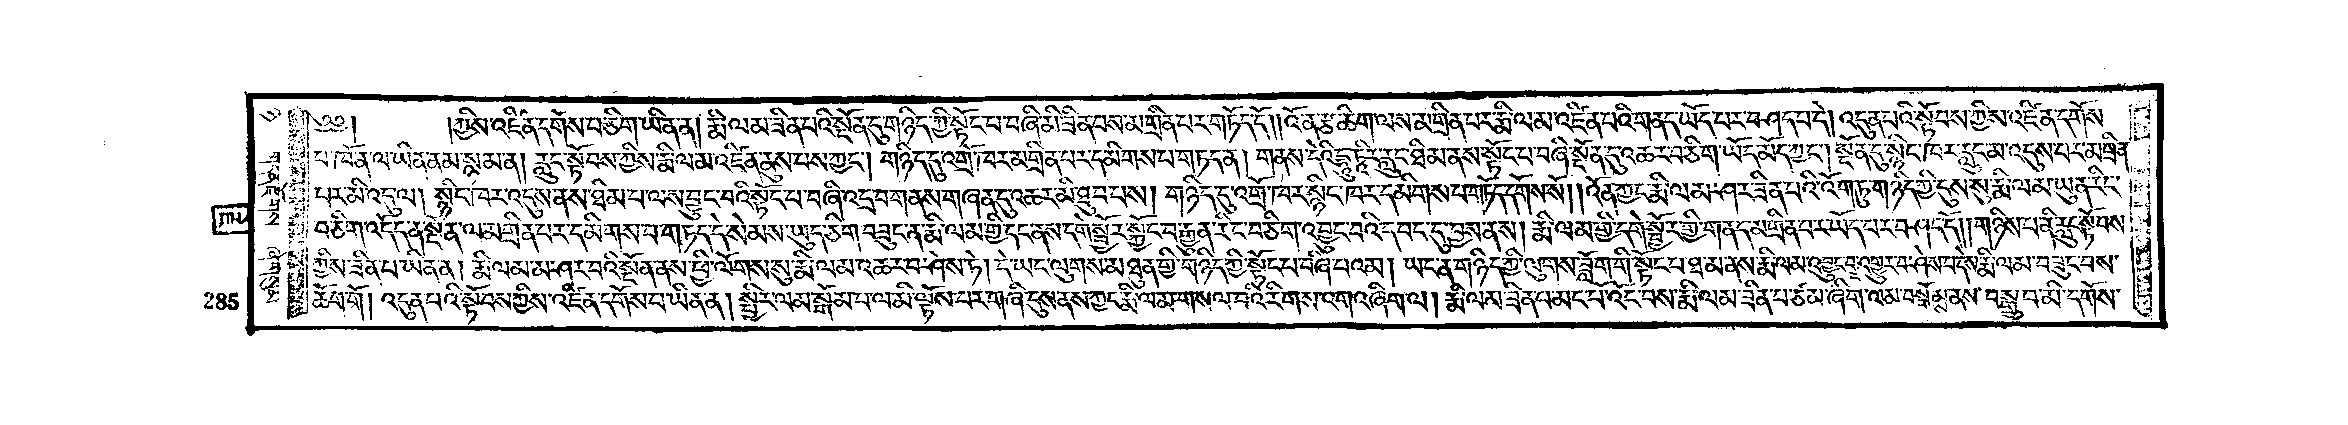༄༅། །ཀྱིས་འཛིན་དགོས་པ་ཅིག་ཡིན་ན། རྨི་ལམ་ཟིན་པའི་སྔོན་དུ་གཉིད་ཀྱི་སྟོང་པ་བཞི་མི་ཟིན་པས་མགྲིན་པར་གཏོད་དོ། །འོ་ན་རྩ་ཚིག་ལས་མགྲིན་པར་རྨི་ལམ་འཛིན་པའི་གནད་ཡོད་པར་བཤད་པ་དེ། འདུན་པའི་སྟོབས་ཀྱིས་འཛིན་དགོས་
པ་ཁོ་ན་ལ་ཡིན་ནམ་སྙམ་ན། རླུང་སྟོབས་ཀྱིས་རྨི་ལམ་འཛིན་ནུས་པས་ཀྱང་། གཉིད་དུ་འགྲོ་ཁར་མགྲིན་པར་དམིགས་པ་གཏད་ན། གནས་དེའི་དྷཱུ་ཏཱིར་རླུང་ཐིམ་ནས་སྟོང་པ་བཞི་སྔོན་དུ་འཆར་བ་ཅིག་ཡོད་མོད་ཀྱང་། སྔོན་དུ་སྙིང་ཁར་རླུང་མ་འདུས་པར་མགྲིན་
པར་མི་འདུ་ལ། སྙིང་ཁར་འདུས་ནས་ཐིམ་པ་ལས་བྱུང་བའི་སྟོང་པ་བཞི་འདྲ་བ་གནས་གཞན་དུ་འཆར་མི་ཐུབ་པས། གཉིད་དུ་འགྲོ་ཁར་སྙིང་ཁར་དམིགས་པ་གཏོད་དགོས་སོ། །འོན་ཀྱང་རྨི་ལམ་ཤར་ཟིན་པའི་འོག་ཏུ་གཉིད་ཀྱི་དུས་སུ་རྨི་ལམ་ཡུན་རིང་
བ་ཅིག་འདོད་ན་སྔོན་ལ་མགྲིན་པར་དམིགས་པ་གཏད་དེ་སེམས་ཡུད་ཅིག་བཟུང་ན་རྨི་ལམ་གྱི་ངང་ནས་དགེ་སྦྱོར་སྐྱོང་བ་རྒྱུན་རིང་བ་ཅིག་འབྱུང་བའི་དབང་དུ་བྱས་ནས། རྨི་ལམ་གྱི་དགེ་སྦྱོར་གྱི་གནད་མགྲིན་པར་ཡོད་པར་བཤད་དོ། །གཉིས་པ་ནི་རླུང་སྟོབས་
ཀྱིས་ཟིན་པ་ཡིན་ན། རྨི་ལམ་མ་ཤར་བའི་སྔོན་ནས་ཕྱི་ལོགས་སུ་རྨི་ལམ་འཆར་བ་ཤེས་ཏེ། དེ་ཡང་ལུགས་མཐུན་གྱི་གཉིད་ཀྱི་སྟོང་པ་བཞི་པའམ། ཡང་ན་གཉིད་ཀྱི་ལུགས་ཟློག་གི་སྟོང་པ་ཐ་མ་ནས་རྨི་ལམ་འབྱུང་བར་འགྱུར་བ་ཤེས་པ་དེས་རྨི་ལམ་བཟུང་བས་
ཆོག་གོ །འདུན་པའི་སྟོབས་ཀྱིས་འཛིན་དགོས་པ་ཡིན་ནོ། སྤྱིར་ལམ་སྒོམ་པ་ལ་མི་ལྟོས་པར་གཞི་དུས་ནས་ཀྱང་རྨི་ལམ་གསལ་བའི་རིགས་འགའ་ཞིག་ལ། རྨི་ལམ་ཟིན་པ་མང་པོ་འོང་བས་རྨི་ལམ་ཟིན་པ་ཙམ་ཞིག་ལམ་བསྒོམས་ནས་བསྒྲུབ་མི་དགོས་